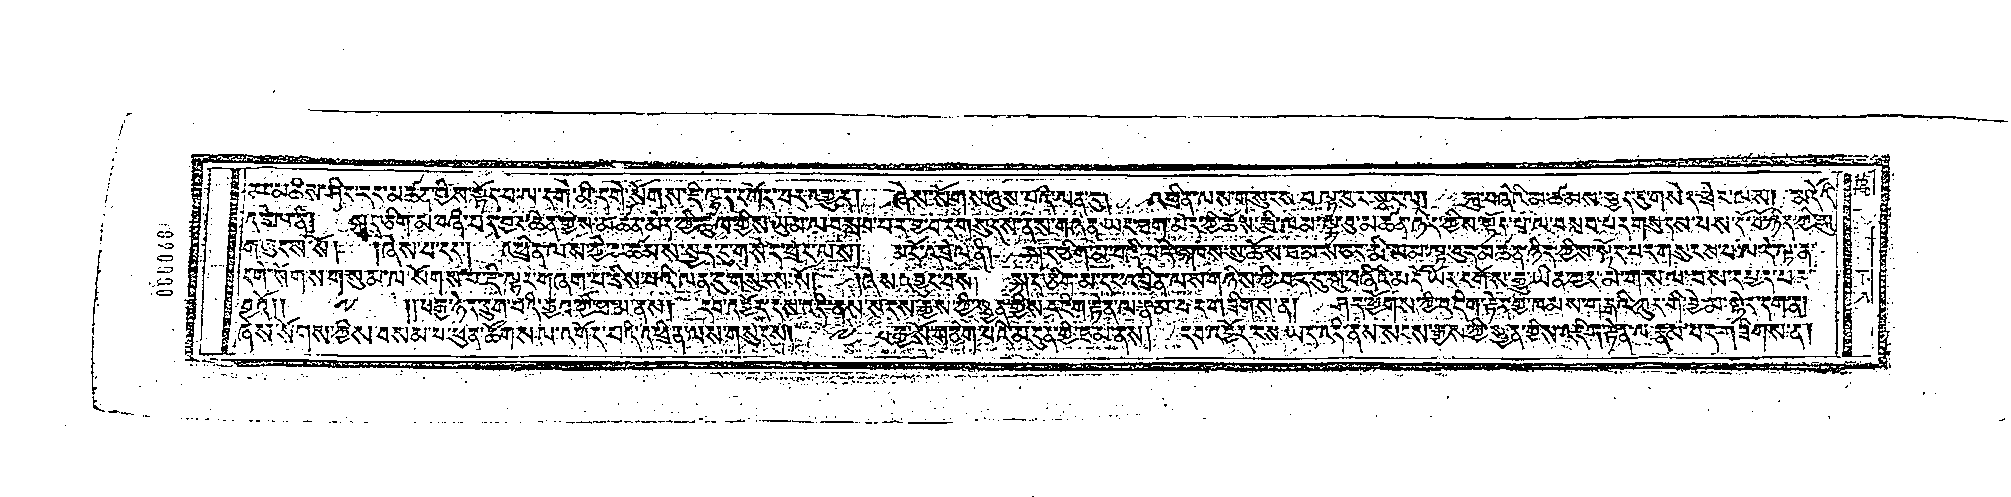མ་མཆིས་ཤིང་རང་མཚན་གྱིས་སྟོང་པ་ལ་དགེ་མི་དགེ་སོགས་ཇི་ལྟར་དཀོད་པར་འགྱུར། ཞེས་སོགས་ཞུས་པའི་ལན་དུ། འཕྲིན་ལས་གསུངས་པ་ལྟ་བུར་སྣང་ལ། སྐུ་བཞིའི་མཚམས་སྤྱད་དུ་གསེར་ཕྲེང་ལས། མདོའི་
འདྲེལ་ནི། སྐད་ཅིག་མ་བཞི་པར་བྱང་ཆེན་གྱིས་མཚན་མེད་ཀྱི་ཚུལ་གྱིས་ཡུམ་ལ་བསླབ་པར་བྱ་བར་གསུངས་ནས་གཞན་ཡང་ཐག་མེད་ཀྱི་ཆོས་རྨི་ལམ་ལྟ་བུ་མཚན་ཉིད་ཀྱིས་སྟོད་པ་ལ་བསླབ་པར་གསུངས་པས་ངོ་བོ་ཉིད་ཀྱི་སྐུ་
གསུངས་སོ། །ཞེས་པ་དང་། འཕྲིན་ལས་ཀྱི་མཚམས་སྦྱར་དུ་གསེར་ཕྲེང་ལས། མདོ་འབྲེལ་ནི། སྐད་ཅིག་མ་བཞི་བའི་སྐབས་སུ་ཆོས་ཐམས་ཅད་རྨི་ལམ་ལྟ་བུར་མཚན་ཉིད་ཀྱིས་སྟོང་པར་གསུངས་པ་ལ་དེ་ལྟ་ན་
དགེ་སོགས་གསུམ་ལ་སོགས་པ་ཇི་ལྟར་གཞག་པ་དྲིས་པའི་ལན་དུ་གསུངས་སོ། །ཞེས་འབྱུང་བས། སྐད་ཅིག་མ་དང་འཕྲིན་ལས་གཉིས་ཀྱི་བར་དུ་སྐུ་བཞིའི་མདོ་ཡོད་དགོས་རྒྱུ་ཡིན་ཀྱང་མི་གསལ་བས་དཔྱད་པར་
བྱའོ།། ༧་།།བརྒྱ་ཉེར་དྲུག་པའི་རྒྱབ་ཀྱི་ཐ་མ་ནས། རབ་འབྱོར་ངས་འདི་ནས་སངས་རྒྱས་ཀྱི་སྤྱན་གྱིས་འཇིག་རྟེན་ལ་རྣམ་པར་གཟིགས་ན། ཤར་ཕྱོགས་ཀྱི་འཇིག་རྟེན་གྱི་ཁམས་གངྒའི་ཀླུང་གི་བྱེ་ཨམ་སྙེད་དག་ན།
ཞེས་སོགས་ཀྱིས་བསམ་པ་ཕུན་ཚོགས་ལ་འགོད་པའི་འཕྲིན་ལས་གསུངས། ༧་བརྒྱ་སོ་གཅིག་པའི་མདུན་གྱི་ཐ་མ་ནས། རབ་འབྱོར་ངས་ཡང་འདི་ནས་སངས་རྒྱས་ཀྱི་སྤྱན་གྱིས་འཇིག་རྟེན་ལ་རྣམ་པར་གཟིགས་ན།